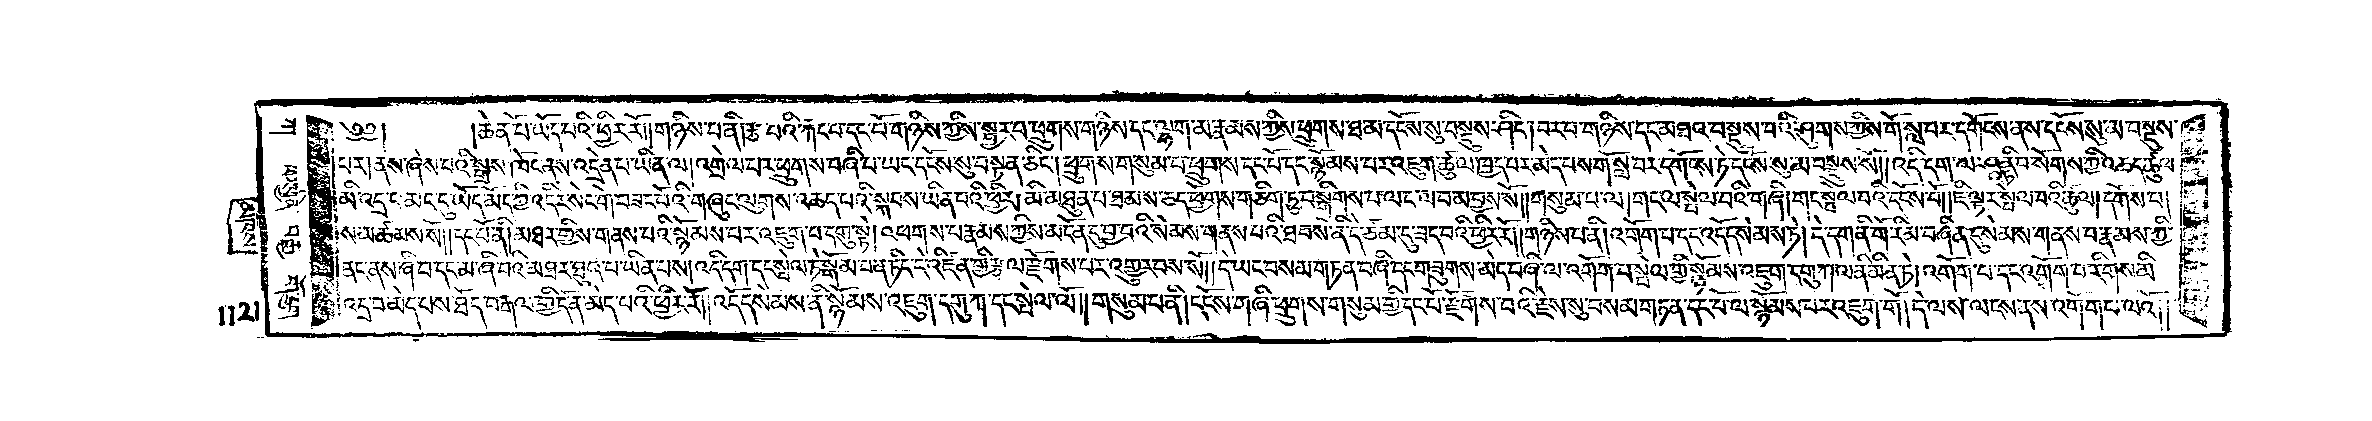༄༅། །ཆེན་པོ་ཡོད་པའི་ཕྱིར་རོ། །གཉིས་པ་ནི། རྩ་བའི་རྐང་པ་དང་པོ་གཉིས་ཀྱིས་སྦྱར་བ་ཕྲུགས་གཉིས་དང་ལྷག་མ་རྣམས་ཀྱིས་ཕྲུགས་ཐ་མ་དངོས་སུ་བསྡུས་ཤིང་། བར་པ་གཉིས་དང་མཐའ་བསྡུས་པའི་ཤུགས་ཀྱིས་གོ་སླ་བར་དགོངས་ནས་དངོས་སུ་མ་བསྡུས་
པར། ནས་ཞེས་པའི་སྒྲས་ཁོང་ནས་འདྲེན་པ་ཡིན་ལ། འགྲེལ་བར་ཕྲུགས་བཞི་པ་ཡང་དངོས་སུ་བསྟན་ཅིང་། ཕྲུགས་གསུམ་པ་ཕྲུགས་དང་པོ་དང་སྙོམས་པར་འཇུག་ཚུལ་ཁྱད་པར་མེད་པས་གོ་སླ་བར་དགོངས་ཏེ་དངོས་སུ་མ་བསྡུས་སོ། །འདི་དག་ལ་ཤཱནྟི་བ་སོགས་ཀྱི་འཆད་ཚུལ་
མི་འདྲ་བ་མང་དུ་ཡོད་མོད་ཀྱི་འདིར་སེང་གེ་བཟང་པོའི་གཞུང་ལུགས་འཆད་པའི་སྐབས་ཡིན་པའི་ཕྱིར། མི་མཐུན་པ་ཐམས་ཅད་ཕྱོགས་གཅིག་ཏུ་བསྒྲིགས་པ་ལ་ངལ་བ་མ་བྱས་སོ། །གསུམ་པ་ལ། གང་ལ་སྤེལ་བའི་གཞི། གང་སྤེལ་བའི་དངོས་པོ། །ཇི་ལྟར་སྤེལ་བའི་ཚུལ། དགོས་པ།
ས་མཚམས་སོ། །དང་པོ་ནི། མཐར་གྱིས་གནས་པའི་སྙོམས་པར་འཇུག་པ་དགུ་སྟེ། འཕགས་པ་རྣམས་ཀྱིས་མངོན་དུ་བྱ་བའི་སེམས་གནས་པའི་ཐབས་ནི་དེ་ཙམ་དུ་ཟད་པའི་ཕྱིར་རོ། །གཉིས་པ་ནི། འགོག་པ་དང་འདོད་སེམས་ཏེ། དེ་དག་ནི་གོ་རིམ་བཞིན་དུ་སེམས་གནས་པ་རྣམས་ཀྱི་
ནང་ནས་ཞི་བ་དང་མ་ཞི་བའི་མཐར་ཐུག་པ་ཡིན་པས། འདི་དག་དང་སྤེལ་ཏེ་སྒོམ་པ་ན་ཏིང་ངེ་འཛིན་གྱི་རྩལ་རྫོགས་པར་འགྱུར་བས་སོ། །དེ་ཡང་བསམ་གཏན་བཞི་དང་གཟུགས་མེད་བཞི་ལ་འགོག་པ་སྤེལ་གྱི་སྙོམས་འཇུག་དགུ་ཀ་ལ་ནི་མིན་ཏེ། འགོག་པ་དང་འགོག་པ་རིགས་མི་
འདྲ་བ་མེད་པས་ཐོད་བརྒལ་གྱི་དོན་མེད་པའི་ཕྱིར་རོ། །འདོད་སེམས་ནི་སྙོམས་འཇུག་དགུ་ཀ་དང་སྤེལ་ལོ། །གསུམ་པ་ནི། དངོས་གཞི་ཕྲུགས་གསུམ་གྱི་དང་པོ་རྫོགས་པའི་རྗེས་སུ་བསམ་གཏན་དང་པོ་ལ་སྙོམས་པར་འཇུག་གོ །དེ་ལས་ལངས་ནས་འགོག་པ་ལའོ།།